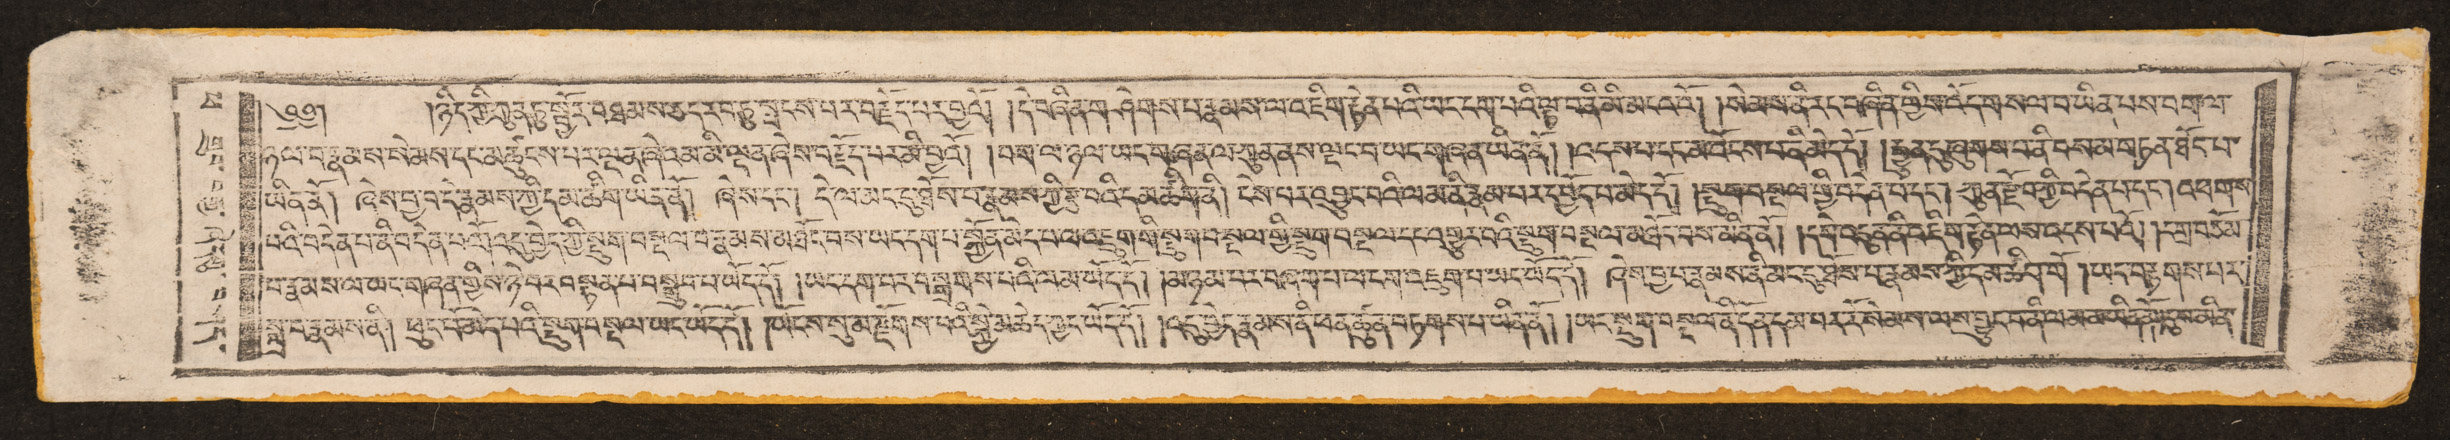༄༅། །ཉིད་ཀྱི་ཀུན་ཏུ་སྦྱོར་བ་ཐམས་ཅད་རབ་ཏུ་སླངས་པར་བརྗོད་པར་བྱའོ། །དེ་བཞིན་གཤེགས་པ་རྣམས་ལ་འཇིག་རྟེན་པའི་ཡང་དག་པའི་ལྟ་བ་ནི་མི་མངའ་འོ། །སེམས་ནི་རང་བཞིན་གྱིས་འོད་གསལ་བ་ཡིན་པས་བག་ལ་
ཉལ་བ་རྣམས་སེམས་དང་མཚུངས་པར་ལྡན་ཞེའམ་མི་ལྡན་ཞེས་བརྗོད་པར་མི་བྱའོ། །བག་ལ་ཉལ་ཡང་བཞན་ལ་ཀུན་ནས་ལྡང་བ་ཡང་གཞན་ཡིན་ནོ། །འདས་བ་དང་མ་འོངས་པ་ནི་མེད་དོ། །རྒྱུན་དུ་ཞུགས་པ་ནི་བསམ་གཏན་ཐོང་བ་
ཡིན་ནོ། ཞེས་བྱ་བ་དེ་རྣམས་ཀྱི་དམ་ཚིག་ཡིན་ནོ། ཞེས་དང་། དེ་ལ་མང་དུ་ཐོས་པ་རྣམས་ཀྱི་རྩ་བའི་དམ་ཚིག་ནི། དེས་པར་འབྱུང་བའི་ལམ་ནི་རྣམ་པར་དཔྱོད་པ་མེད་དོ། །སྡུག་བསྔལ་གྱི་བདེན་པ་དང་། ཀུན་རྫོབ་ཀྱི་བདེན་པ་དང་། འཕགས་
པའི་བདེན་པ་ནི་བདེན་པའོ། འདུ་བྱེད་ཀྱི་སྡུག་བསྔལ་བ་རྣམས་མཐོང་བས་ཡང་དག་པ་སྐྱོན་མེད་པ་ལ་འཇུག་གི་སྡུག་བསྔལ་གྱི་སྡུག་བསྔལ་དང་འགྱུར་བའི་སྡུག་བསྔལ་མཐོང་བས་མིན་ནོ། །དགེ་འདུན་ནི་འཇིག་རྟེན་ལས་འདས་པའོ། །དགྲ་བཅོམ་
པ་རྣམས་ལ་ཡང་གཞན་གྱིས་ཉེ་བར་བསྟན་པ་བསྒྲུབ་པ་ཡོད་དོ། །ཡང་དག་པར་བསྒྲགས་པའི་ལམ་ཡོད་དོ། །མཉམ་པར་བཞག་པ་ལ་ངག་འཇུག་པ་ཡང་ཡོད་དོ། ཞེས་བྱ་བ་རྣམས་ནི་མང་དུ་ཐོས་བ་རྣམས་ཀྱི་དམ་ཚིག་གོ །ཡང་བརྟགས་པར་
སྨྲ་བ་རྣམས་ནི། ཕུང་པོ་མེད་པའི་སྡུག་བསྔལ་ཡང་ཡོད་དོ། །ཡོངས་སུ་མ་རྫོགས་པའི་སྐྱེ་མཆེད་ཀྱང་ཡོད་དོ། །འདུ་བྱེད་རྣམས་ནི་ཕན་ཚུན་བཏགས་པ་ཡིན་ནོ། །ཡང་སྡུག་བསྔལ་ནི་དོན་དམ་པར་རོ་སེམས་ལས་བྱུང་བ་ནི་ལམ་མ་ཡིན་ནོ། དུས་མིན་